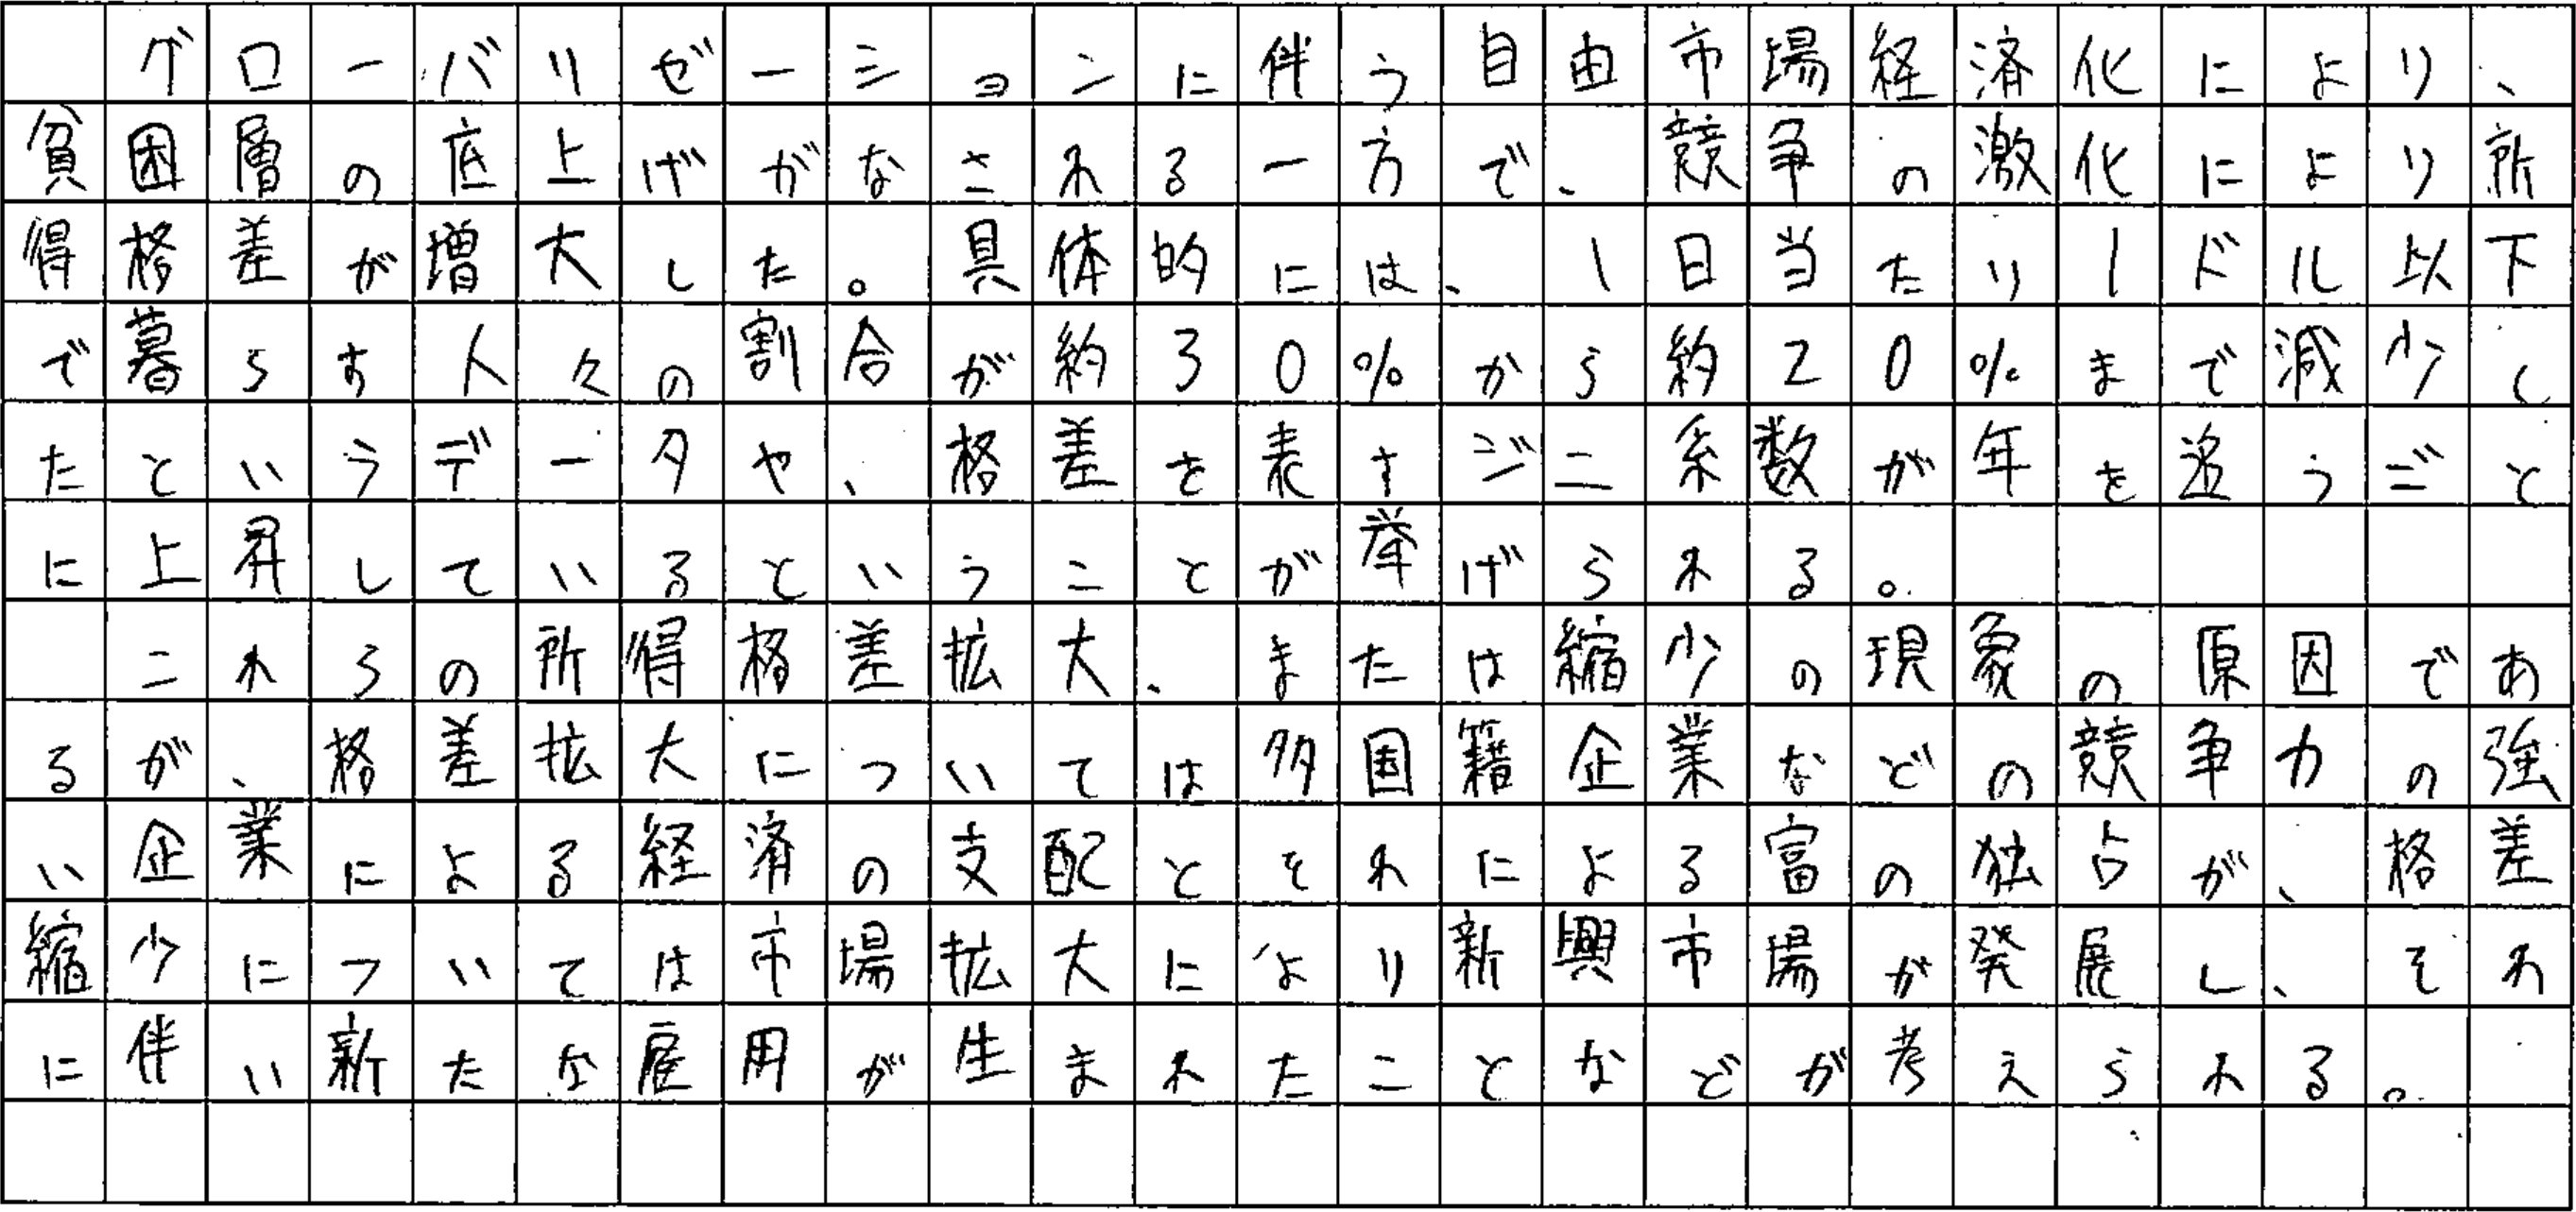　グローバリゼーションに伴う自由市場経済化により、貧困層の底上げがなされる一方で、競争の激化により所得格差が増大した。具体的には、１日当たり１ドル以下で暮らす人々の割合が約３０％から約２０％まで減少したというデータや、格差を表すジニ系数が年を追うごとに上昇しているということが挙げられる。
　これらの所得格差拡大、または縮少の現象の原因であるが、格差拡大については多国籍企業などの競争力の強い企業による経済の支配とそれによる富の独占が、格差縮少については市場拡大により新興市場が発展し、それに伴い新たな雇用が生まれたことなどが考えられる。
